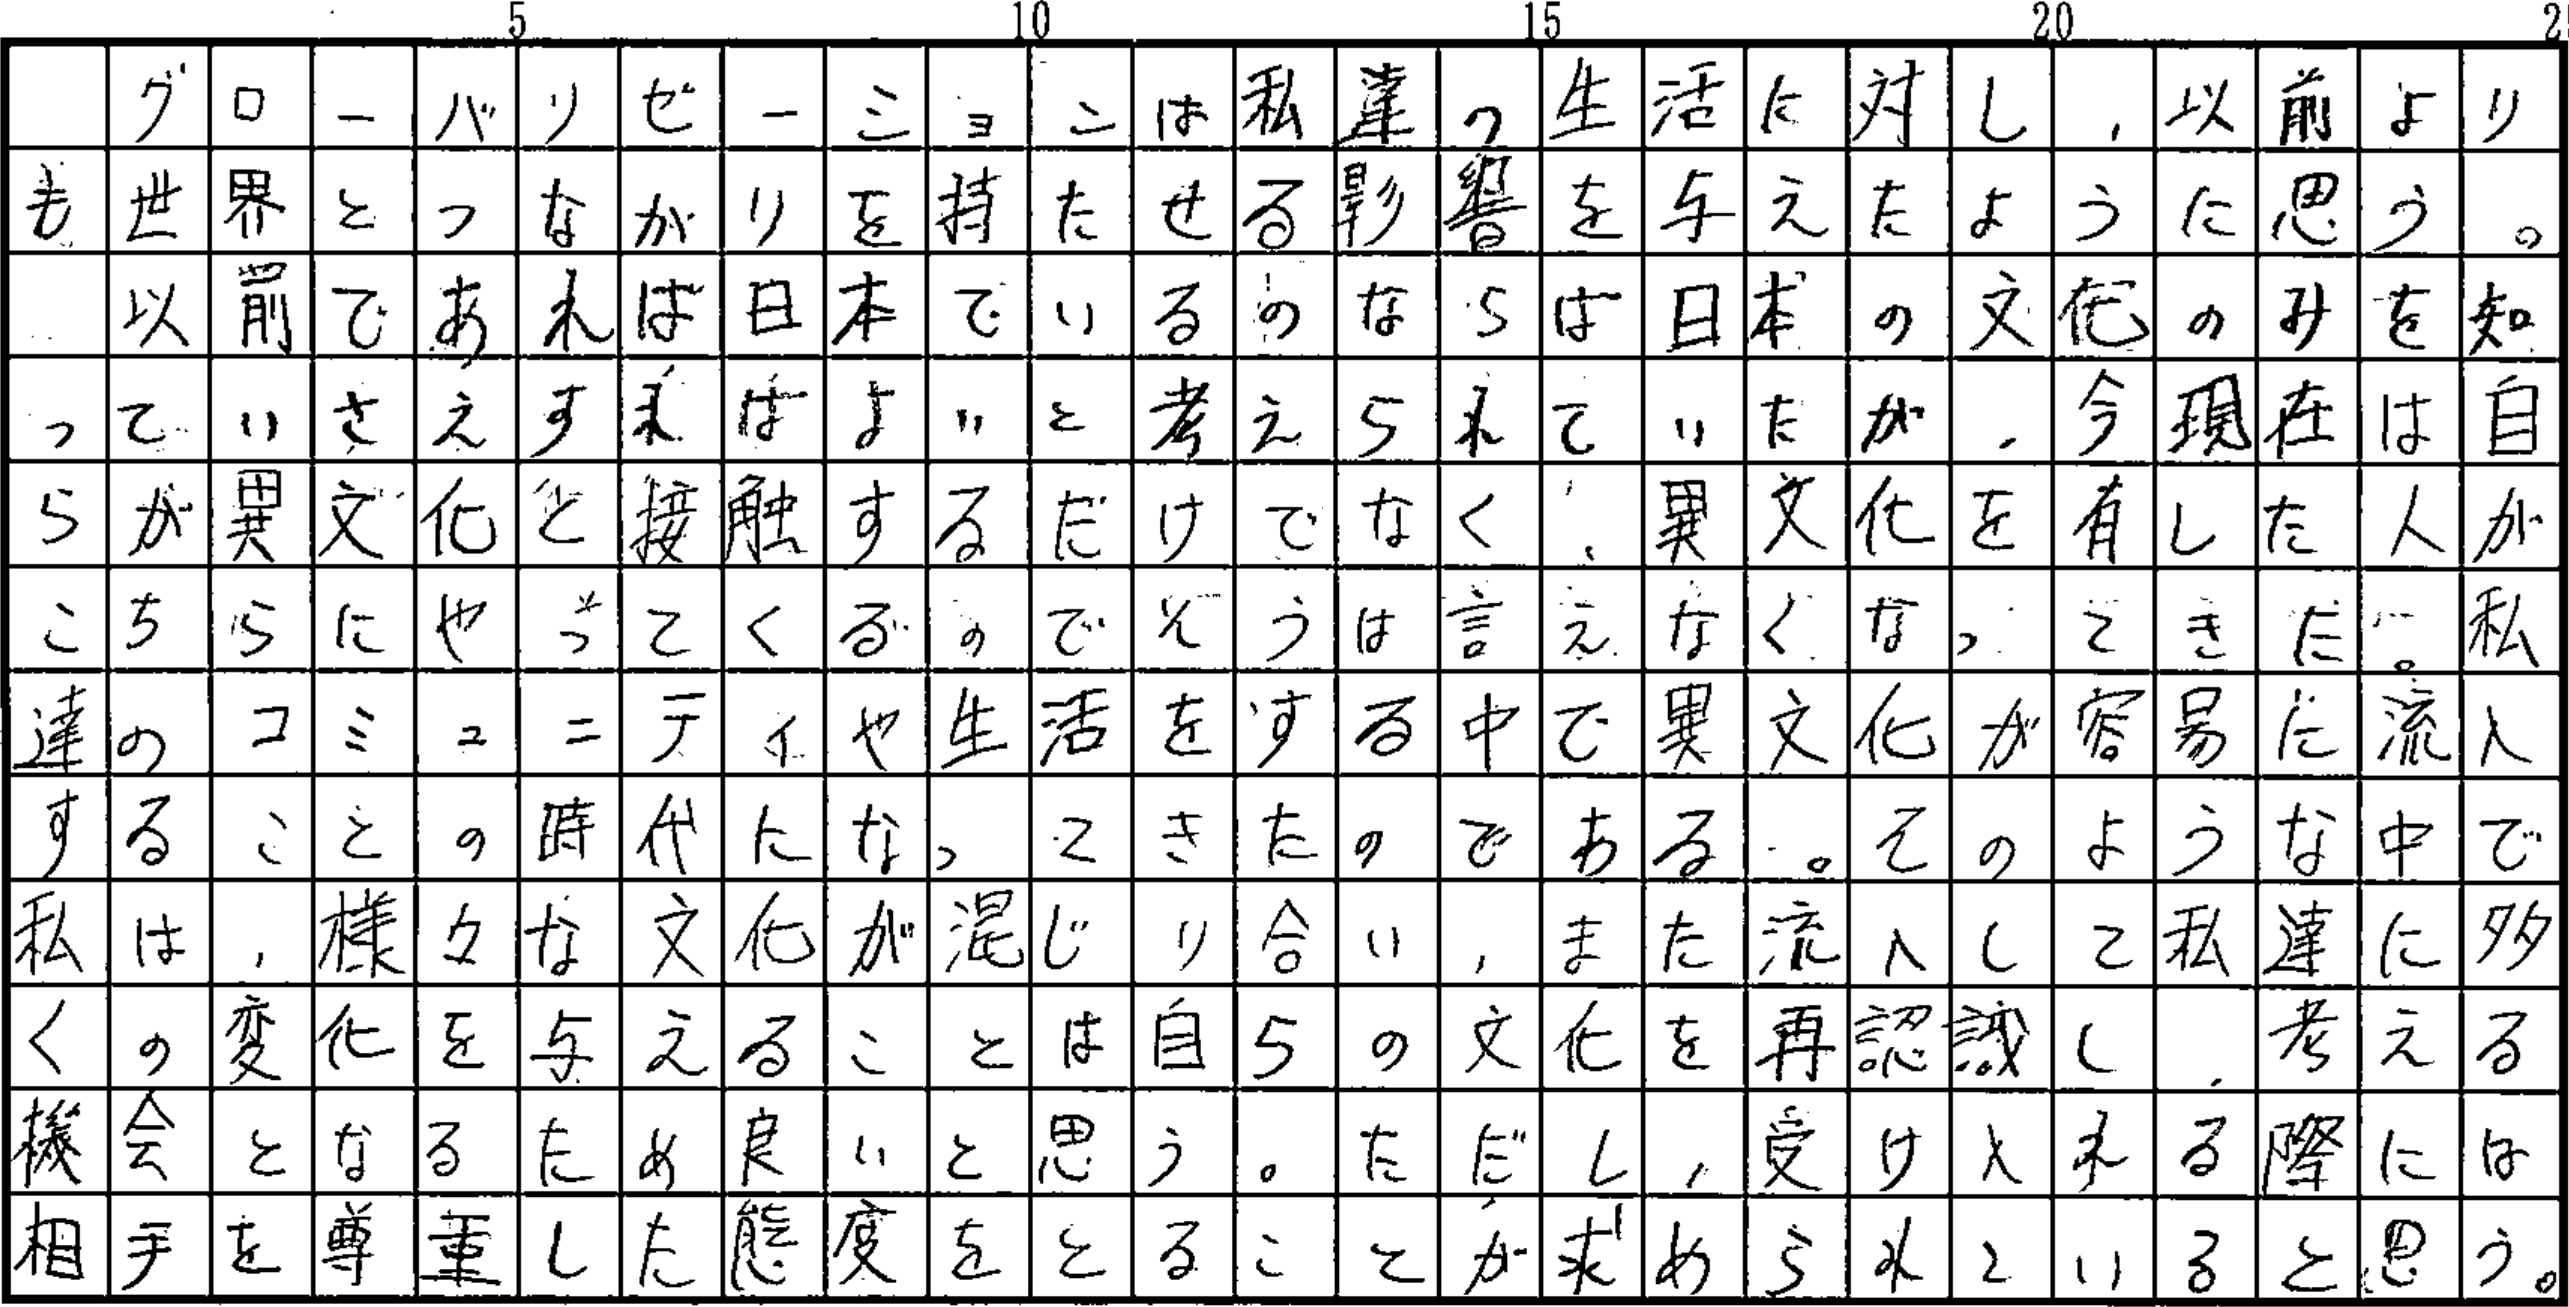　グローバリゼーションは私達の生活に対し、以前よりも世界とつながりを持たせる影響を与えたように思う。
　以前であれば日本でいるのならば日本の文化のみを知っていさえすればよいと考えられていたが、今現在は自らが異文化と接触するだけでなく、異文化を有した人がこちらにやってくるのでそうは言えなくなってきた。私達のコミュニティや生活をする中で異文化が容易に流入することの時代になってきたのである。そのような中で私は、様々な文化が混じり合い、また流入して私達に多くの変化を与えることは自らの文化を再認識し、考える機会となるため良いと思う。ただし、受け入れる際には相手を尊重した態度をとることが求められていると思う。
